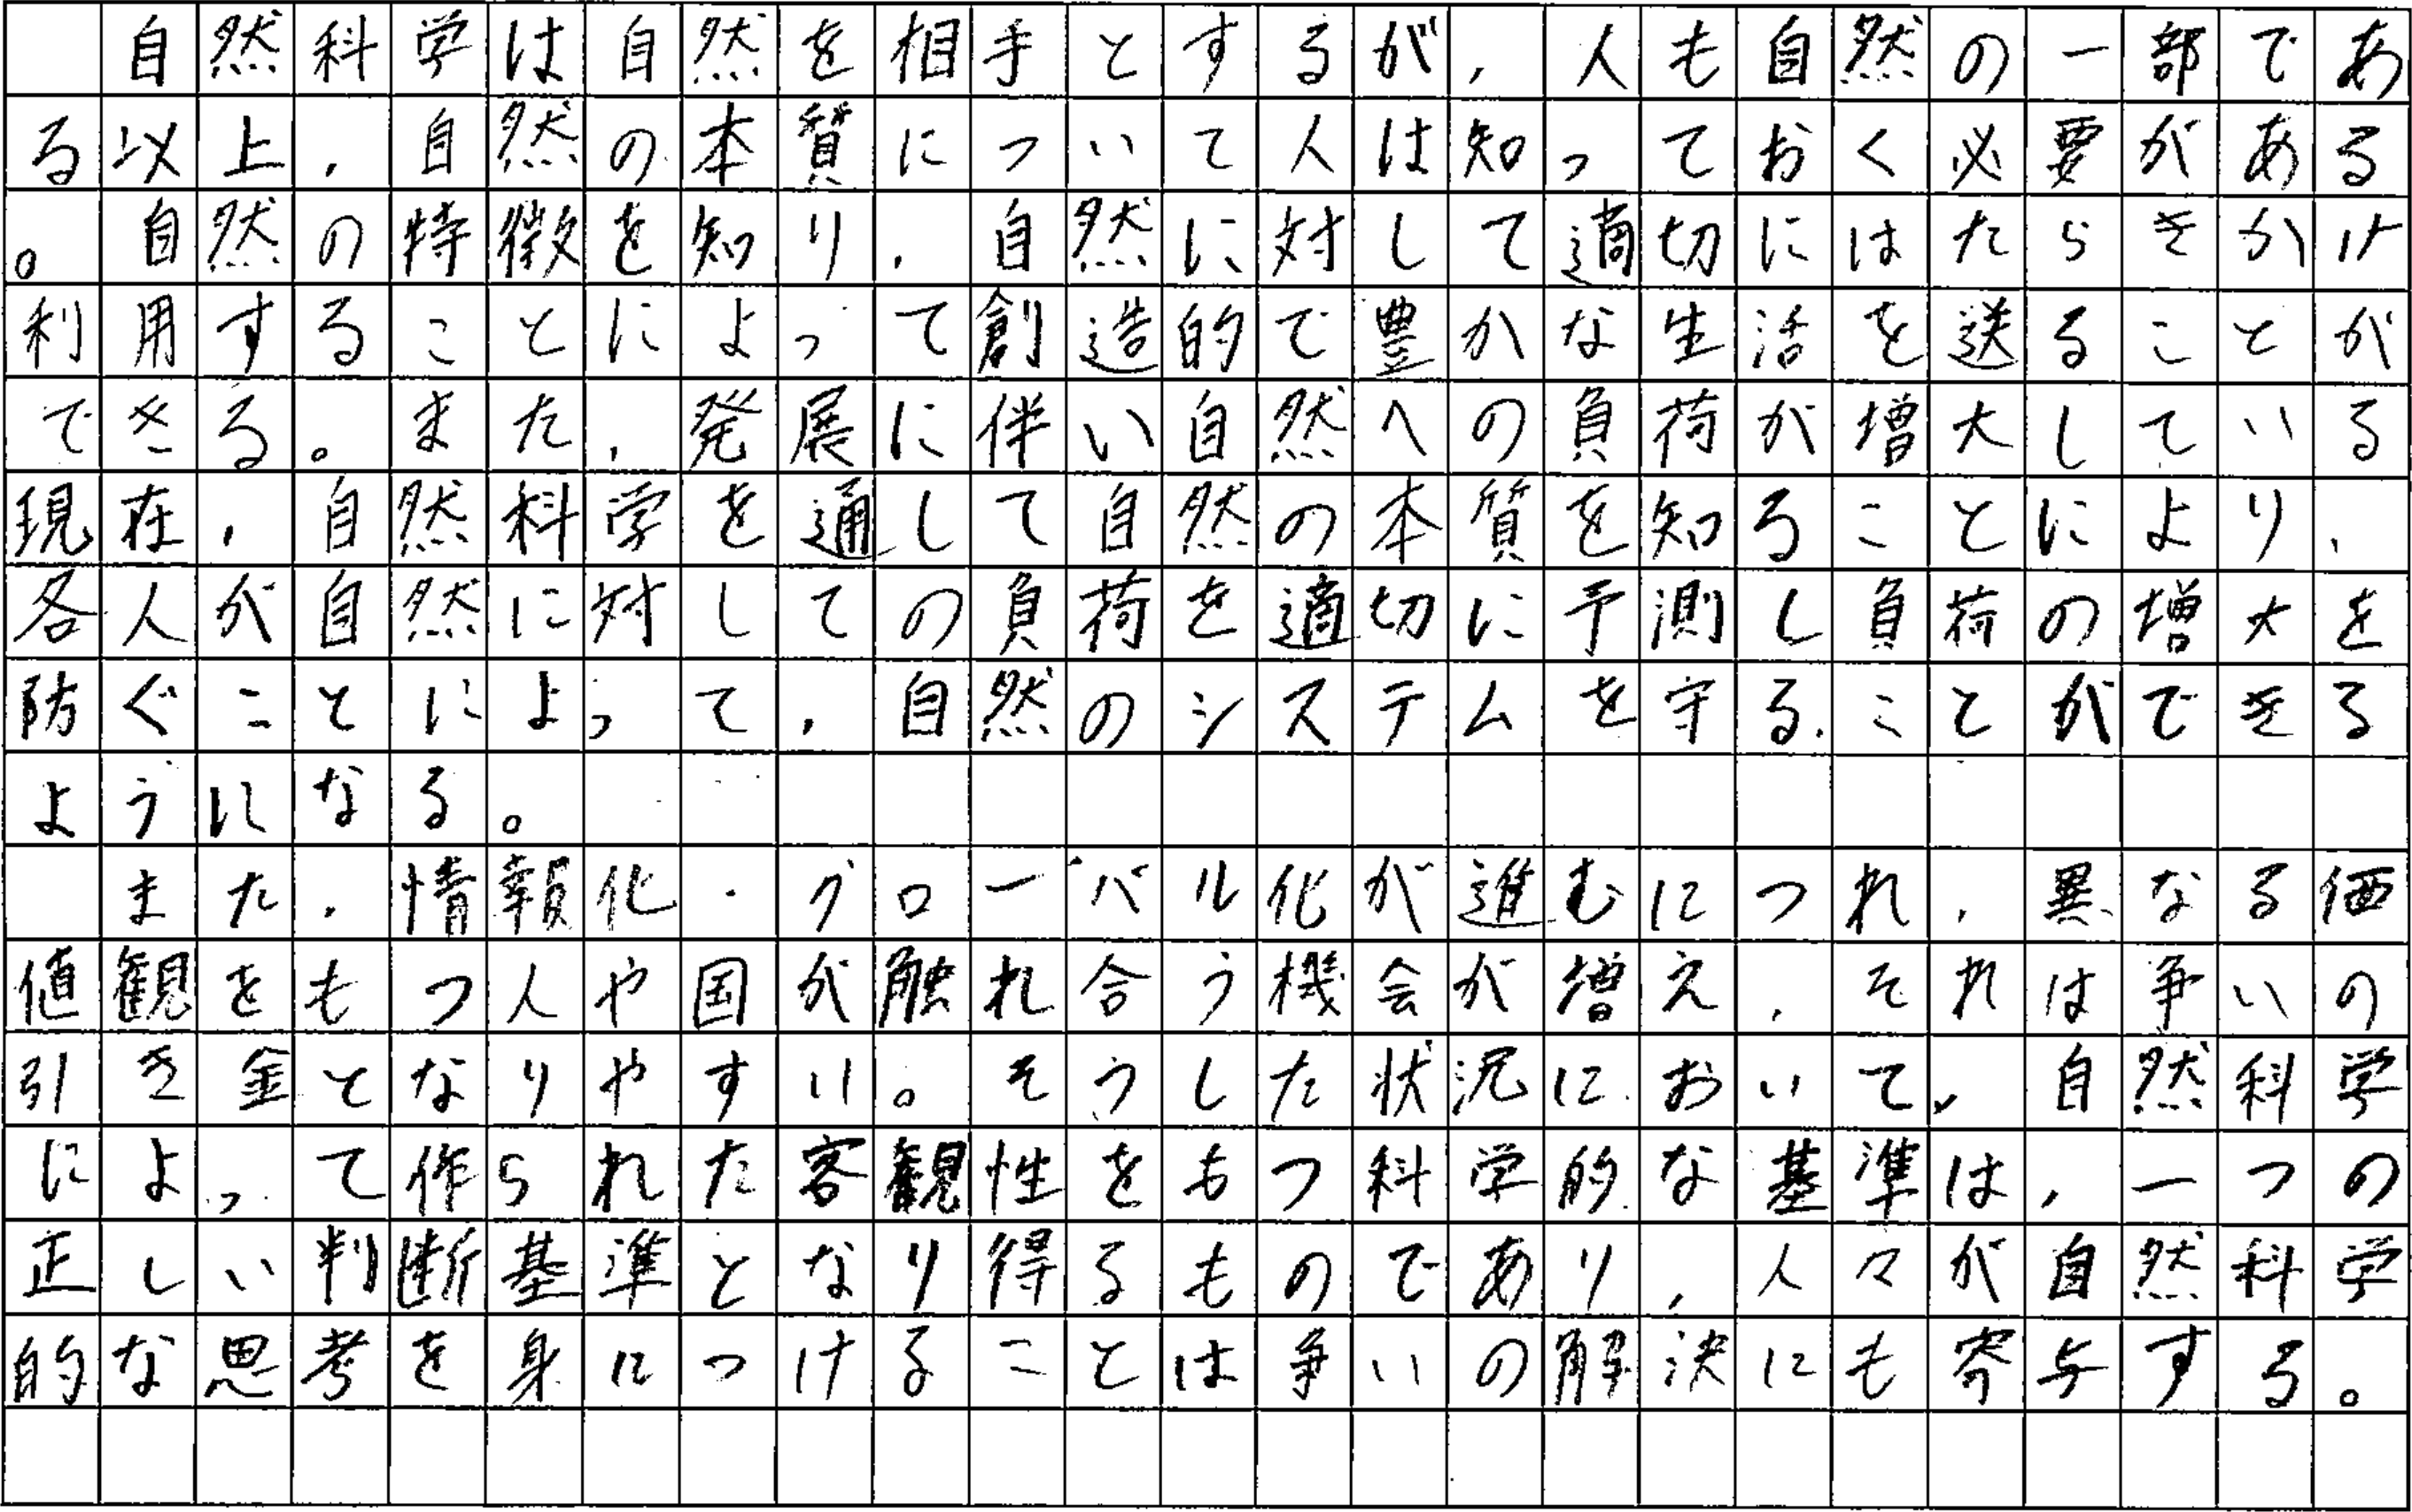　自然科学は自然を相手とするが、人も自然の一部である以上、自然の本質について人は知っておく必要がある。自然の特徴を知り、自然に対して適切にはたらきかけ利用することによって創造的で豊かな生活を送ることができる。また、発展に伴い自然への負荷が増大している現在、自然科学を通して自然の本質を知ることにより、各人が自然に対しての負荷を適切に予測し負荷の増大を防ぐことによって、自然のシステムを守ることができるようになる。
　また、情報化・グローバル化が進むにつれ、異なる価値観をもつ人や国が触れ合う機会が増え、それは争いの引き金となりやすい。そうした状況において、自然科学によって作られた客観性をもつ科学的な基準は、一つの正しい判断基準となり得るものであり、人々が自然科学的な思考を身につけることは争いの解決にも寄与する。
